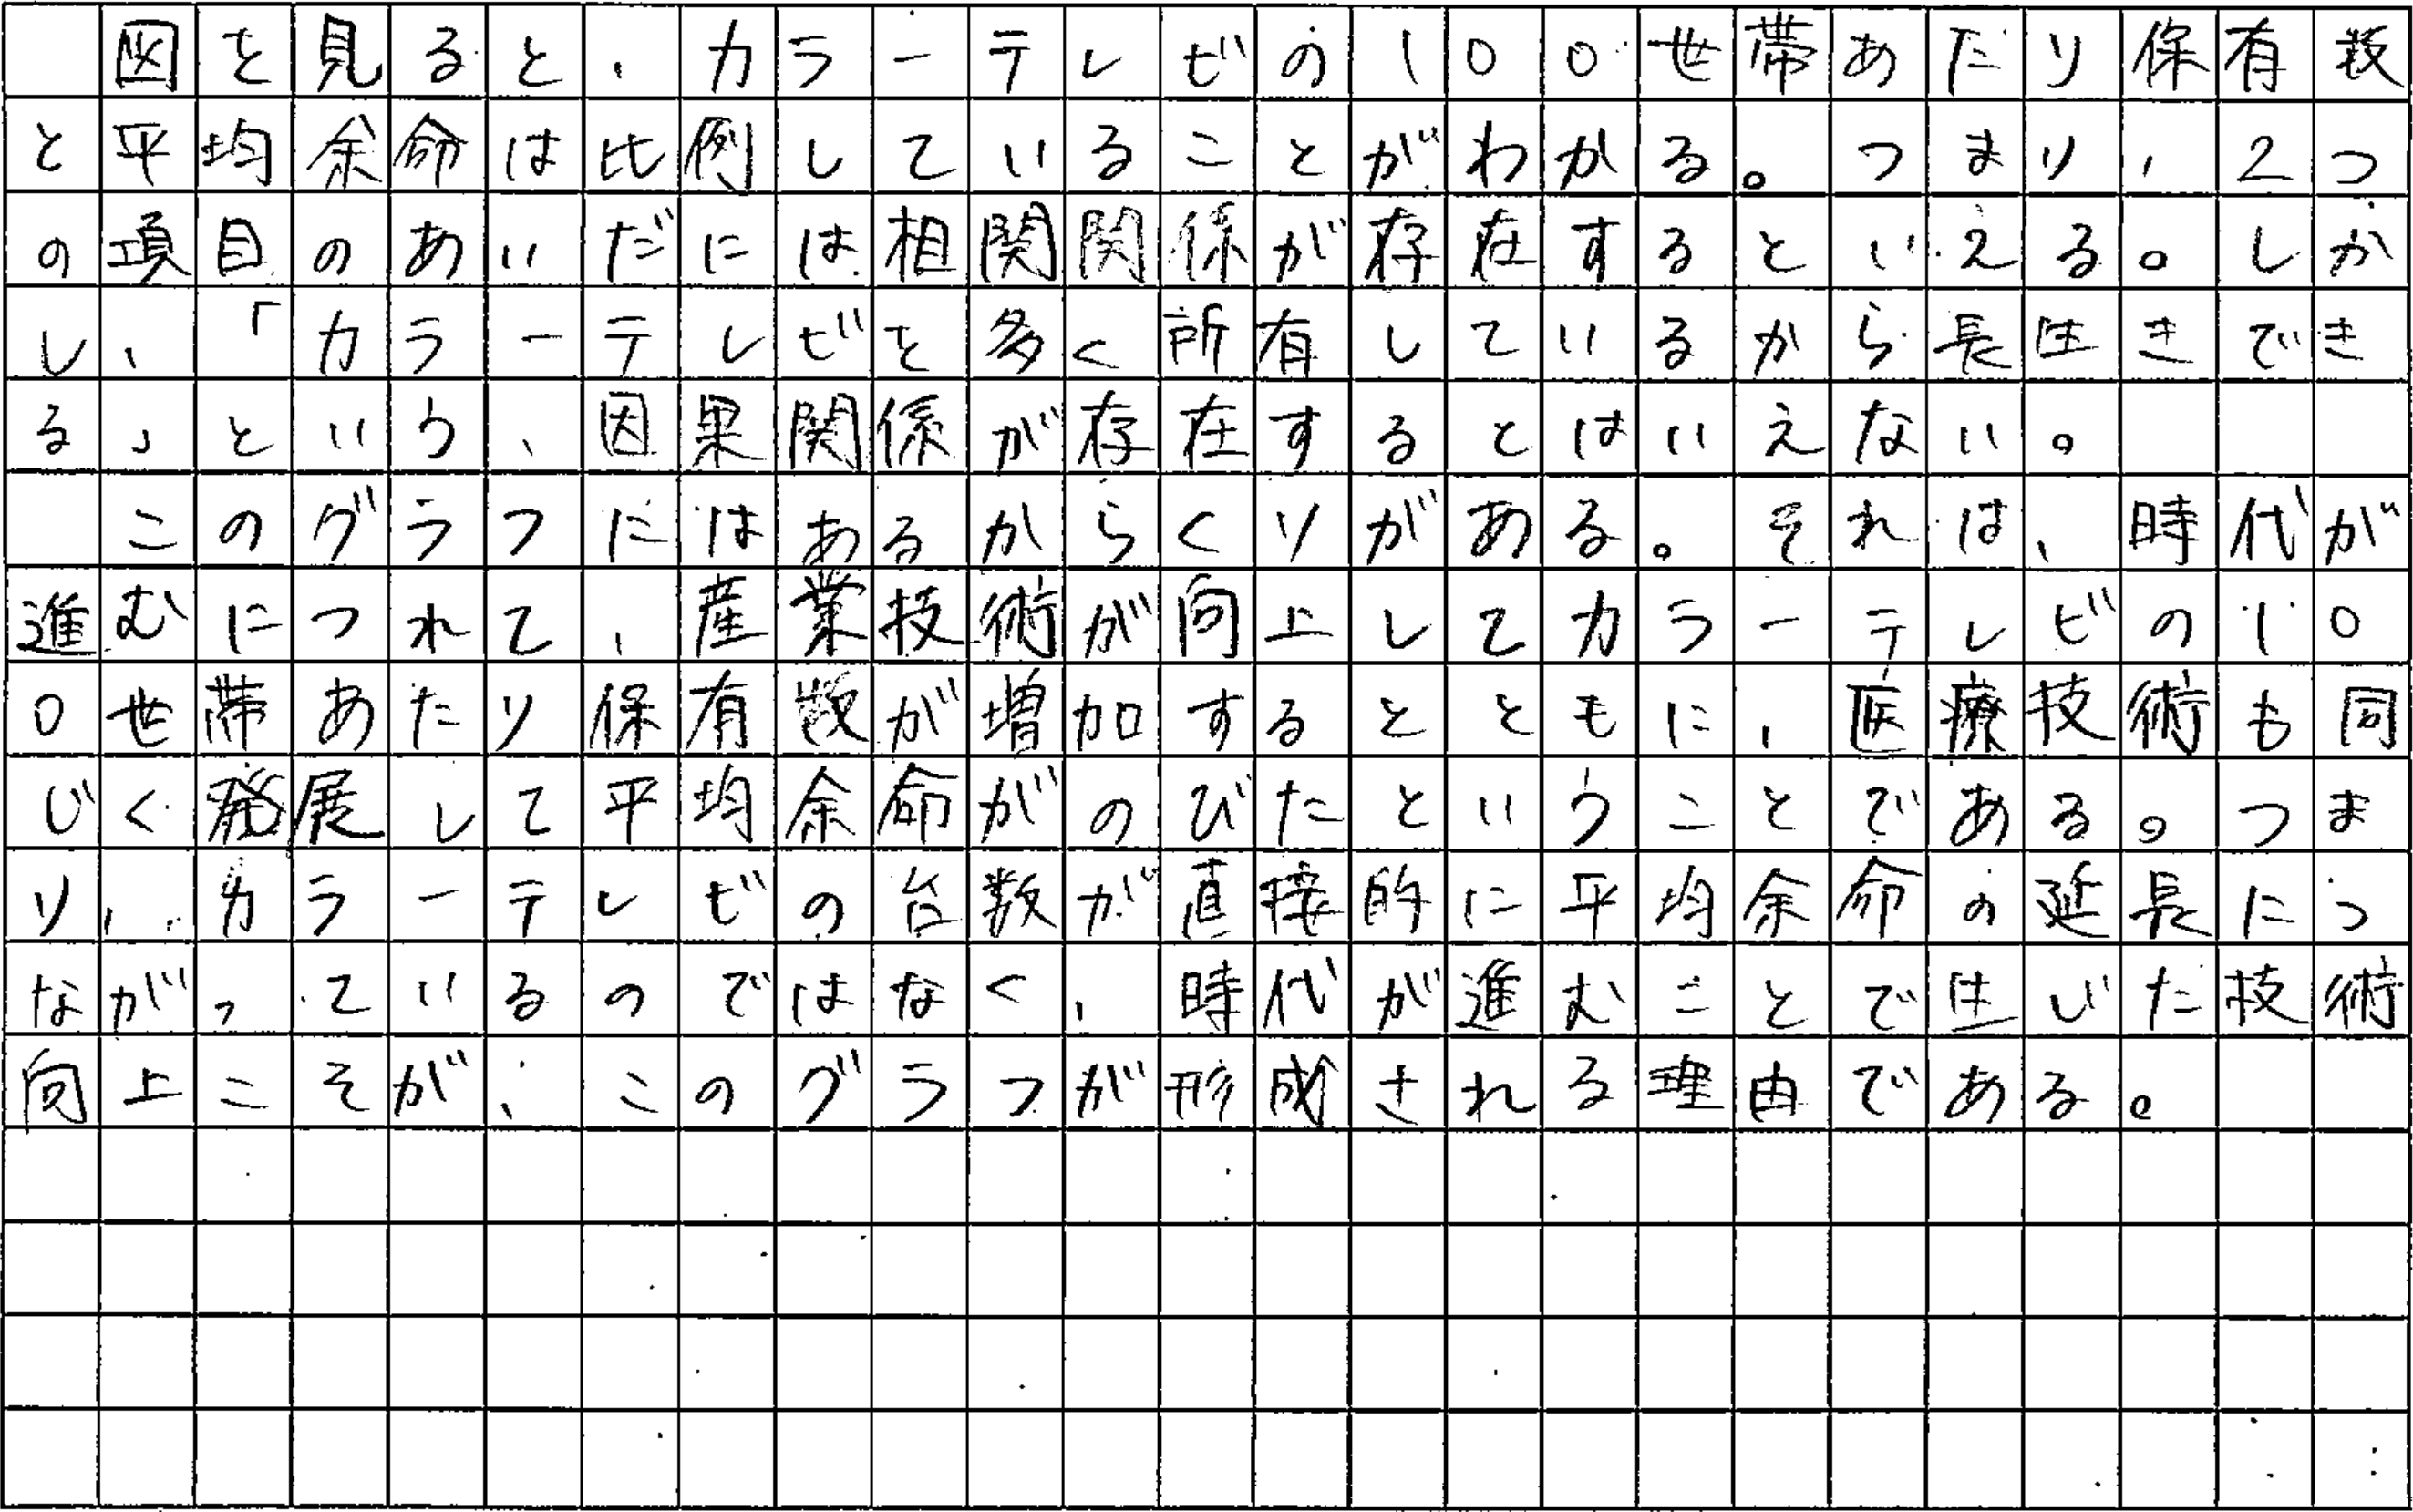　図を見ると、カラーテレビの１００世帯あたり保有数と平均余命は比例していることがわかる。つまり、２つの項目のあいだには相関関係が存在するといえる。しかし、「カラーテレビを多く所有しているから長生きできる」という、因果関係が存在するとはいえない。
　このグラフにはあるからくりがある。それは、時代が進むにつれて、産業技術が向上してカラーテレビの１００世帯あたり保有数が増加するとともに、医療技術も同じく発展して平均余命がのびたということである。つまり，カラーテレビの台数が直接的に平均余命の延長につながっているのではなく、時代が進むことで生じた技術向上こそが、このグラフが形成される理由である。
